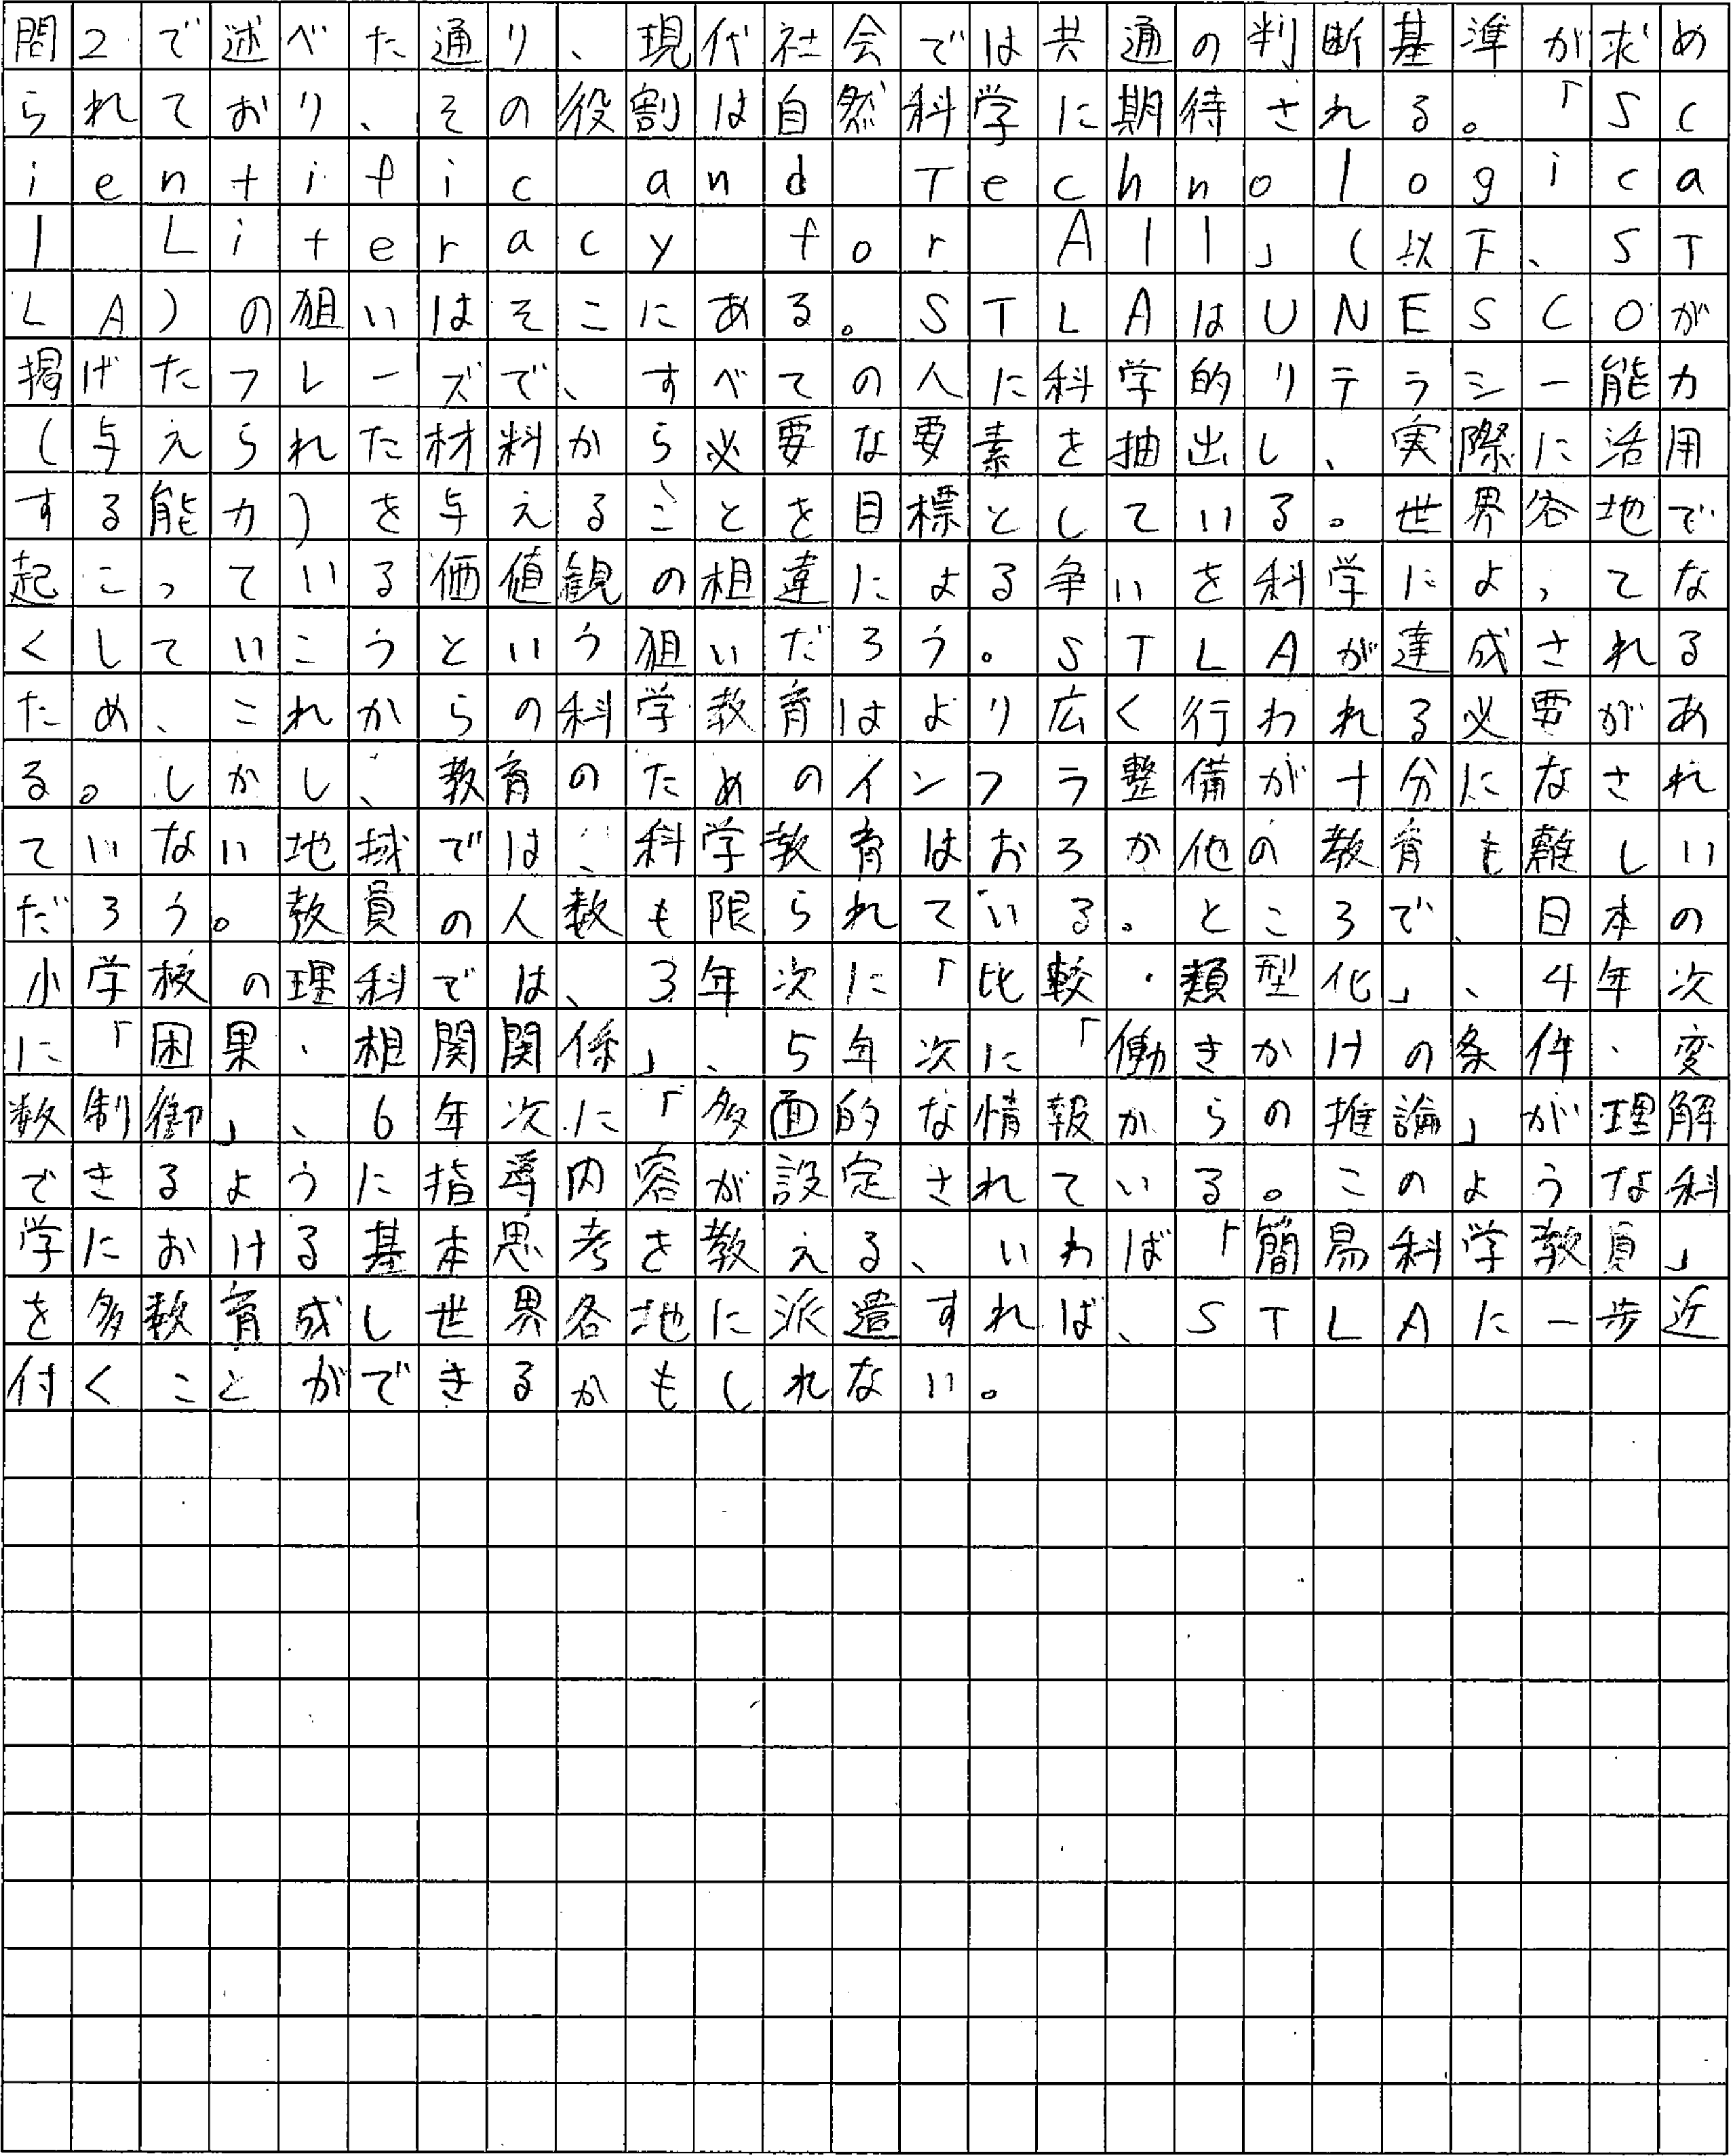問２で述べた通り、現代社会では共通の判断基準が求められており、その役割は自然科学に期待される。「Ｓｃｉｅｎｔｉｆｉｃ　ａｎｄ　Ｔｅｃｈｎｏｌｏｇｉｃａｌ　Ｌｉｔｅｒａｃｙ　ｆｏｒ　Ａｌｌ」（以下、ＳＴＬＡ）の狙いはそこにある。ＳＴＬＡはＵＮＥＳＣＯが掲げたフレーズで、すべての人に科学的リテラシー能力（与えられた材料から必要な要素を抽出し、実際に活用する能力）を与えることを目標としている。世界各地で起こっている価値観の相違による争いを科学によってなくしていこうという狙いだろう。ＳＴＬＡが達成されるため、これからの科学教育はより広く行われる必要がある。しかし、教育のためのインフラ整備が十分になされていない地域では、科学教育はおろか他の教育も難しいだろう。教員の人数も限られている。ところで、日本の小学校の理科では、３年次に「比較・類型化」、４年次に「困果・相関関係」、５年次に「働きかけの条件・変数制御」、６年次に「多面的な情報からの推論」が理解できるように指導内容が設定されている。このような科学における基本思考を教える、いわば「簡易科学教員」を多数育成し世界各地に派遣すれば、ＳＴＬＡに一歩近付くことができるかもしれない。
